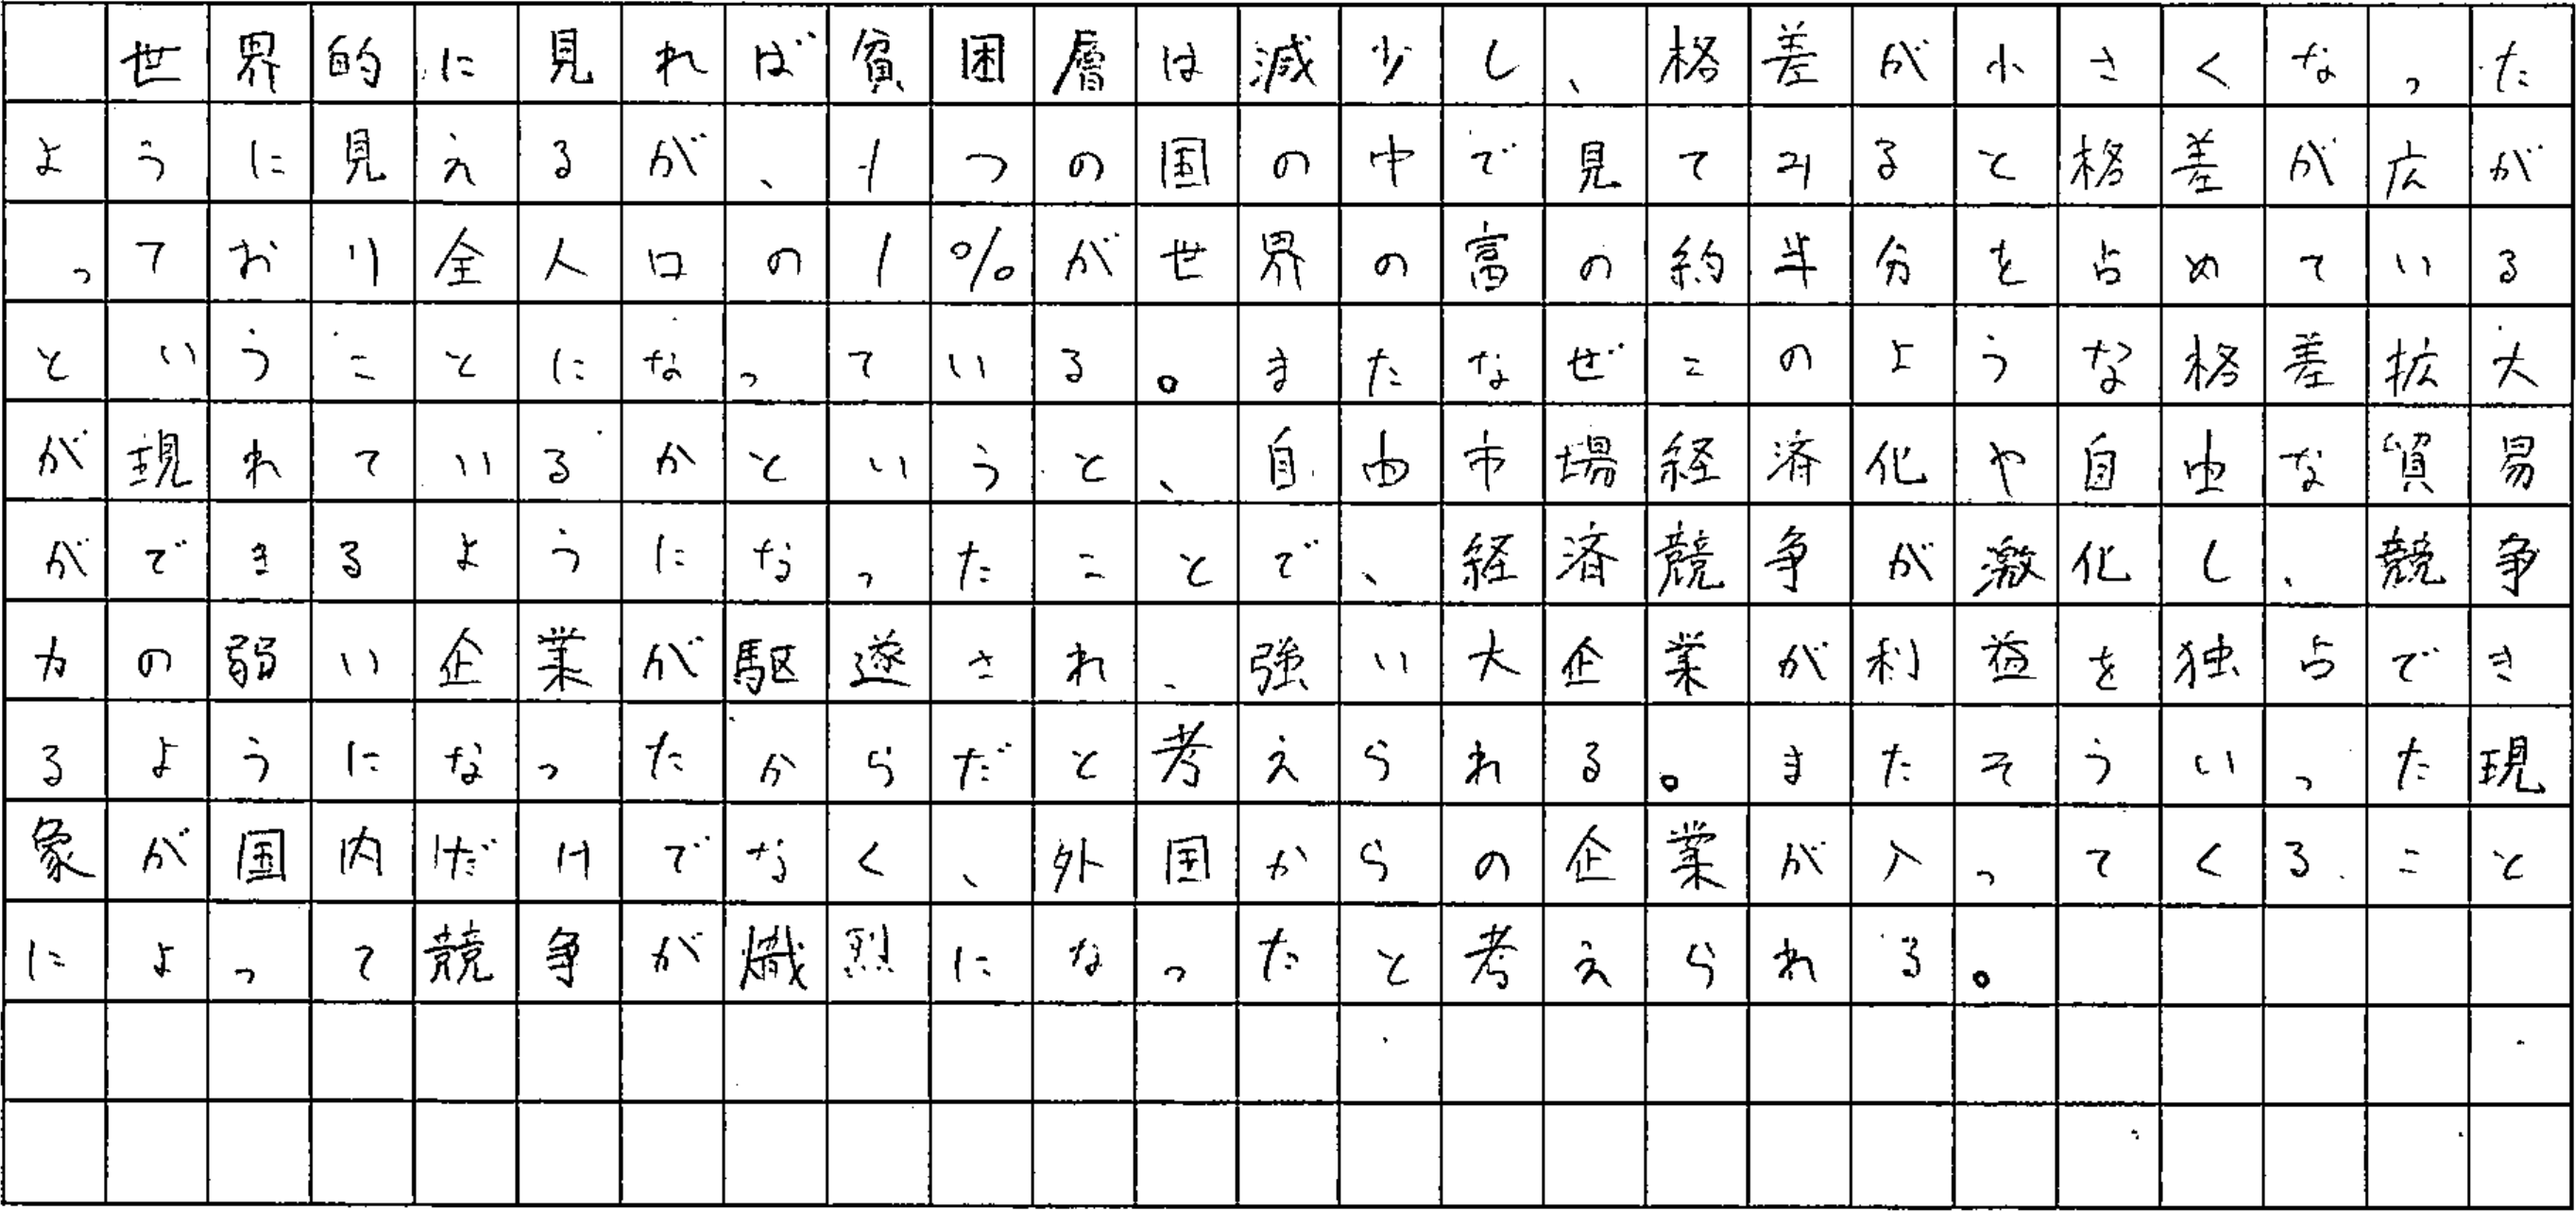　世界的に見れば貧困層は減少し、格差が小さくなったように見えるが、１つの国の中で見てみると格差が広がっており全人口の１％が世界の富の約半分を占めているということになっている。またなぜこのような格差拡大が現れているかというと、自由市場経済化や自由な貿易ができるようになったことで、経済競争が激化し、競争力の弱い企業が駆遂され、強い大企業が利益を独占できるようになったからだと考えられる。またそういった現象が国内だけでなく、外国からの企業が入ってくることによって競争が熾烈になったと考えられる。
